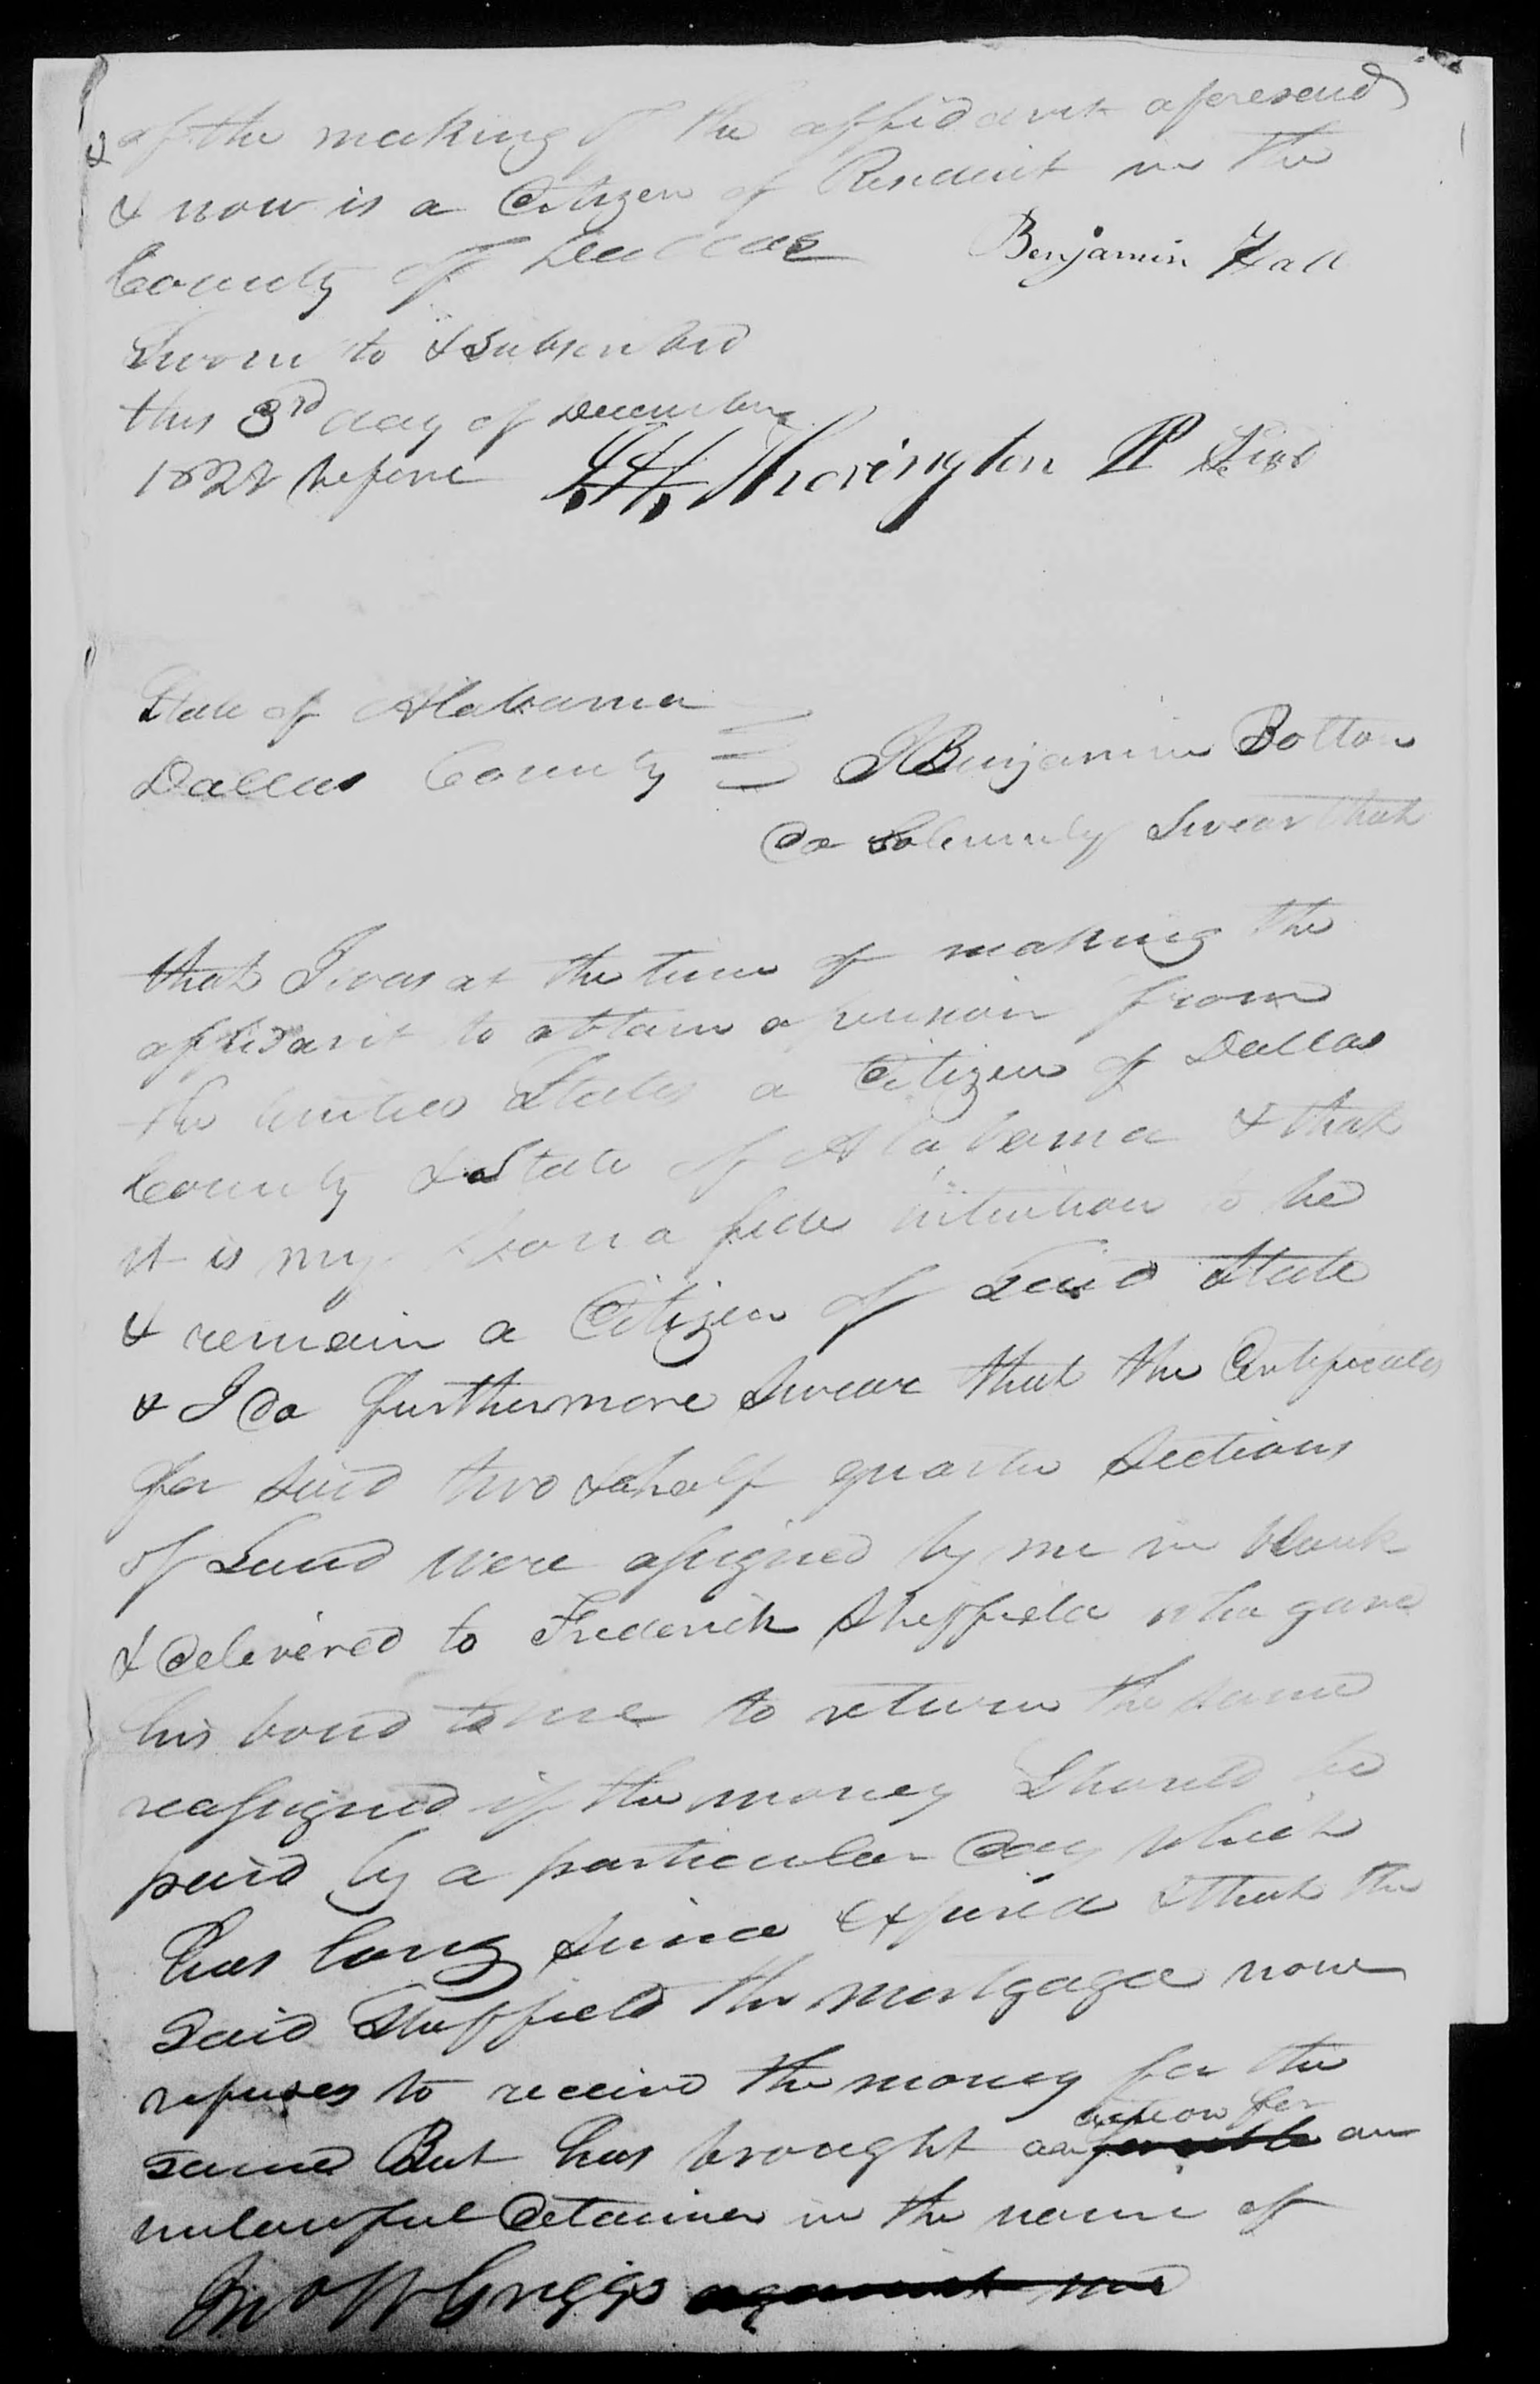of the making of the affidavit aforesaid & now is a Citizen of Resident in the County of Dallas
S/Benjamin Hall

Sworn to & subscribed this 3rd day of December 1822 before 
S/J.H. Thorington JP [personal seal]



State of Alabama }
Dallas County }
I Benjamin Bolton do solemnly swear that I was at the time of making the affidavit to obtain a pension from the United States a citizen of Dallas County and State of Alabama and that it is my bona fide intention to be and remain a citizen of said State and I a do furthermore swear that the certificates for said two and half quarter sections of said were assigned by me in blank and delivered to Frederick Sheffield who gave his bond there to return the same reassigned if the money should be paid by a particular day which has long since expired and that the said Sheffield the mortgagee now refuses to receive the money for the same but has brought an [crossed out] action for an unlawful detainer in the name of Jno W Griggs [crossed out: against me]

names: J H Thorington, Frederick Sheffield, Benjamin Bolton, Benjamin Hall, Jno W Griggs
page: 21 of 29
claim: survivor's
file: S. 37,795, Benjamin Bolton, N.C.